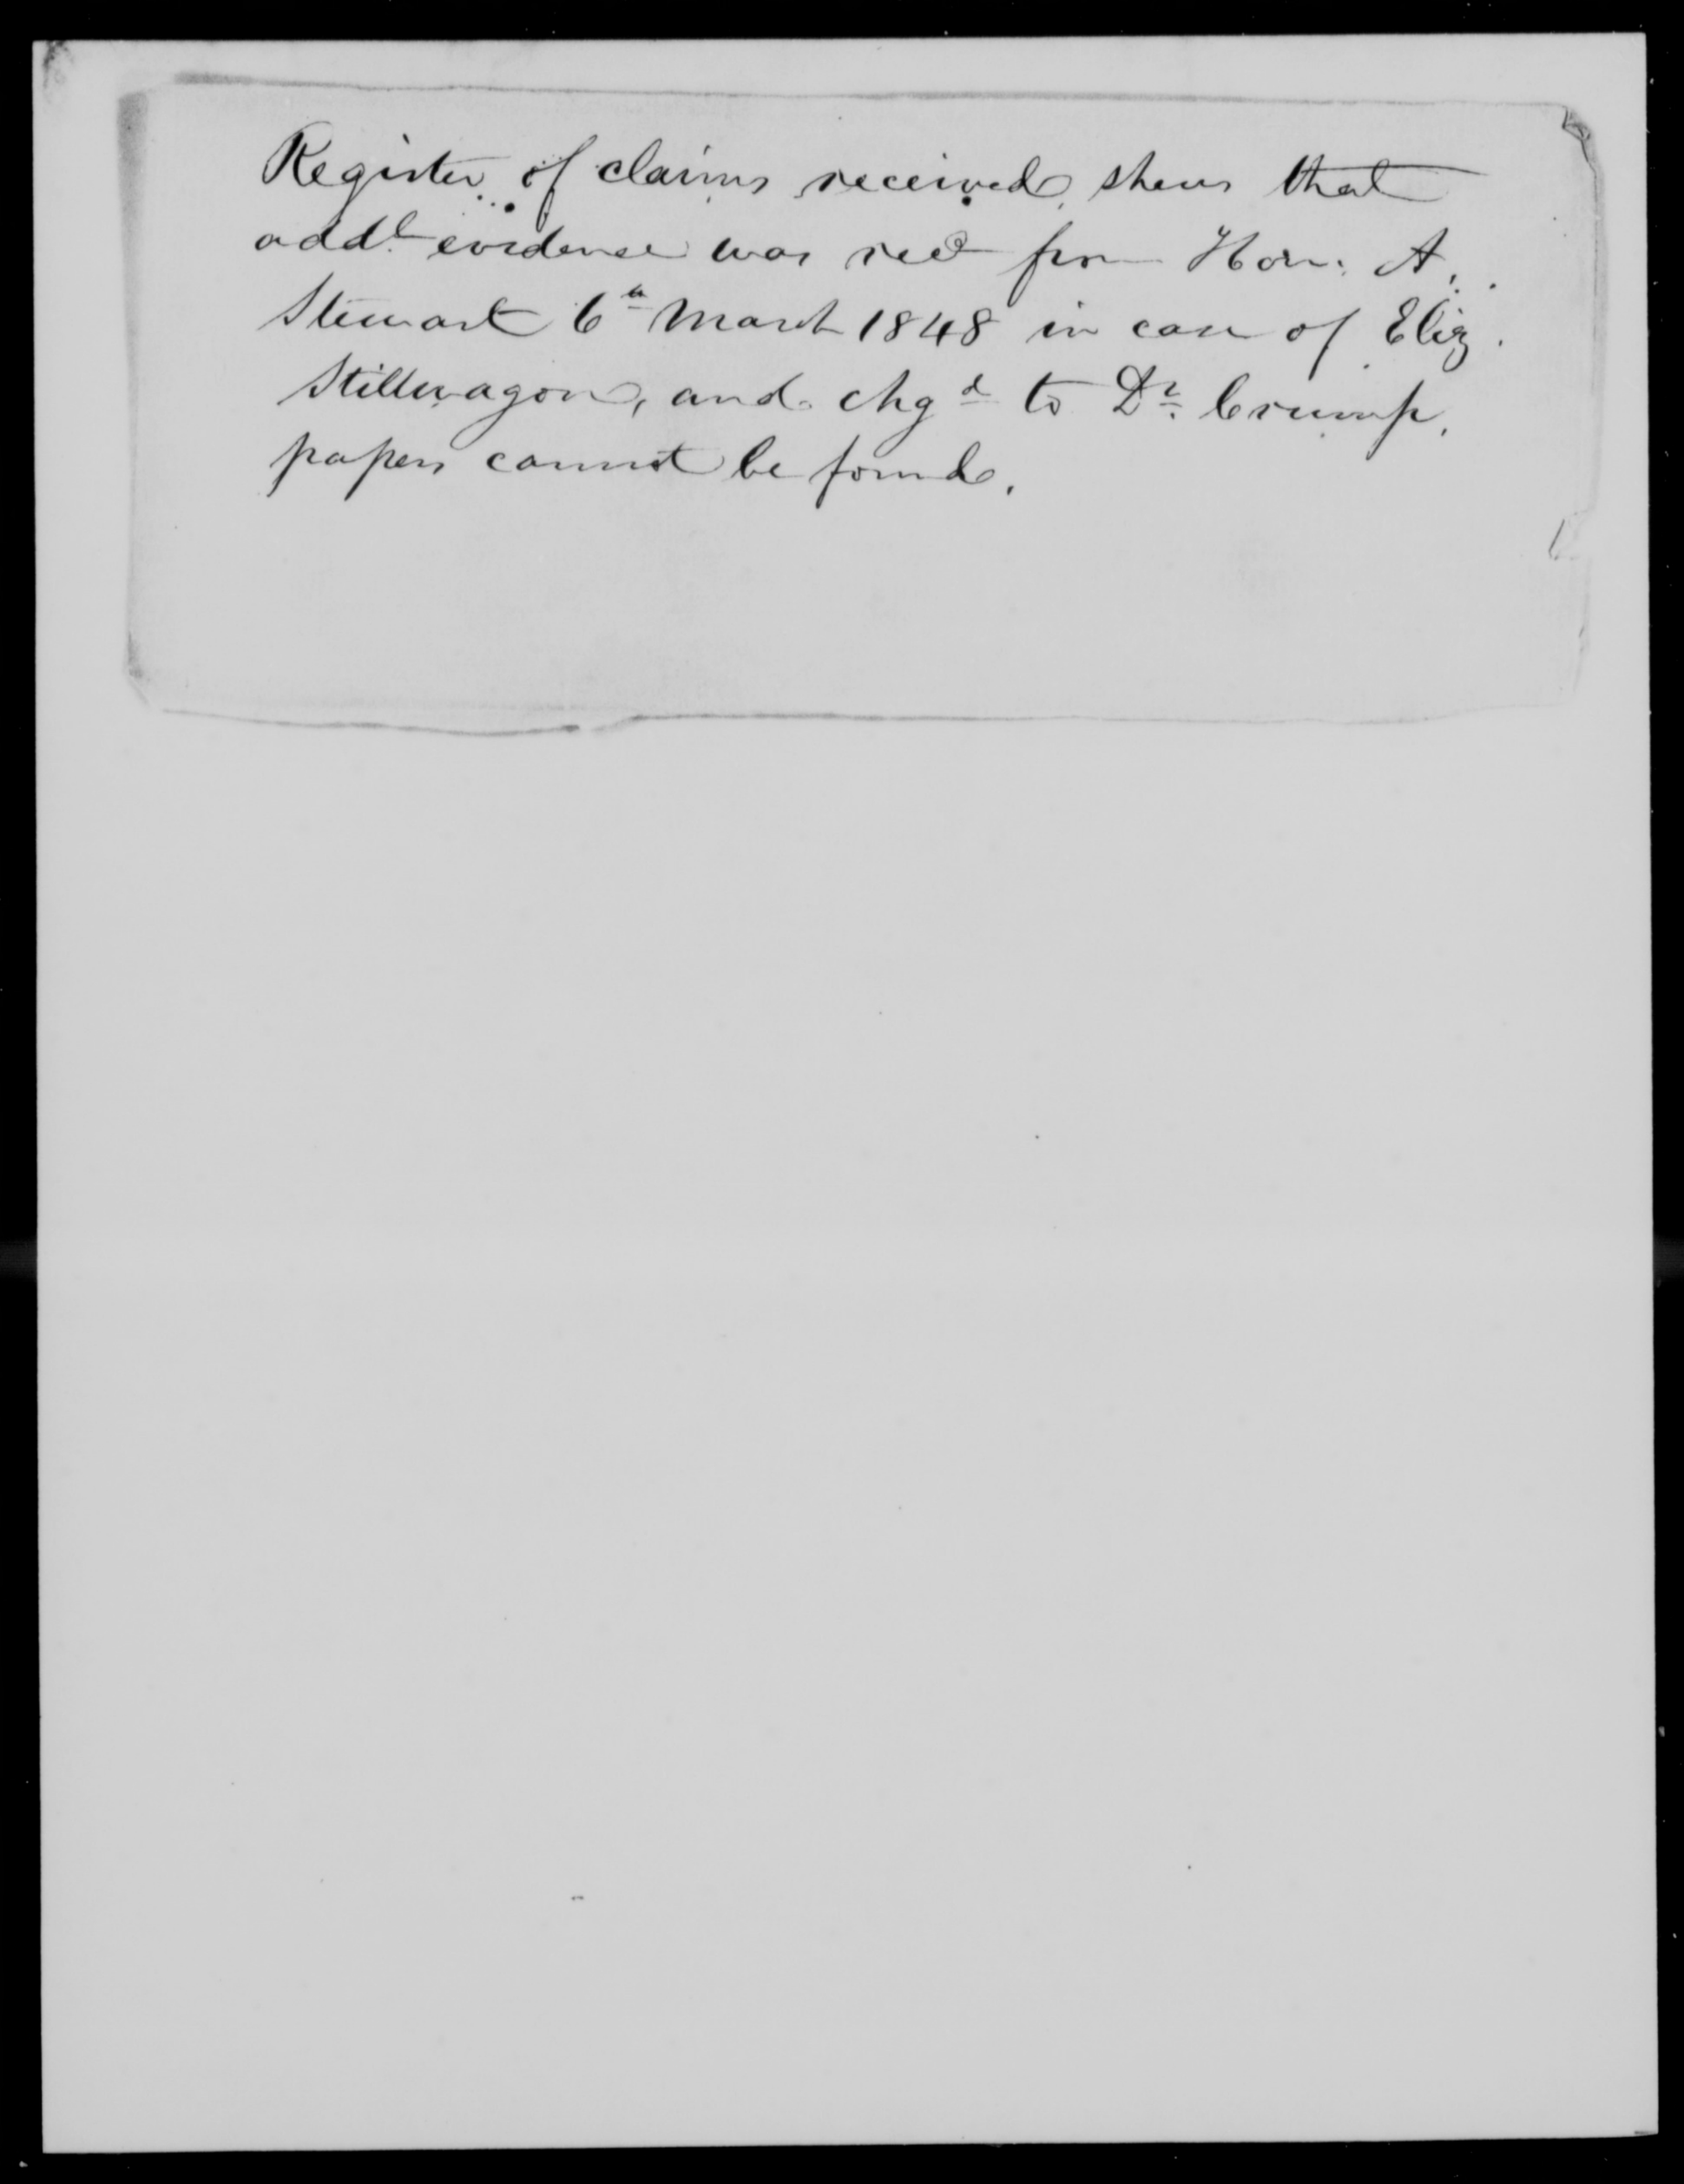Register of claims received shows that addl evidence was recd from Hon. A. Stewart 6th March 1848 in case of Eliz Stillwagon and chgd to Dr. Crump. Papers cannot be found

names: [BLANK] Crump; A Stewart; Eliz Stillwagon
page: 24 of 73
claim: widow's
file: W. 3197, for Peter Stillwagon, New Jersey